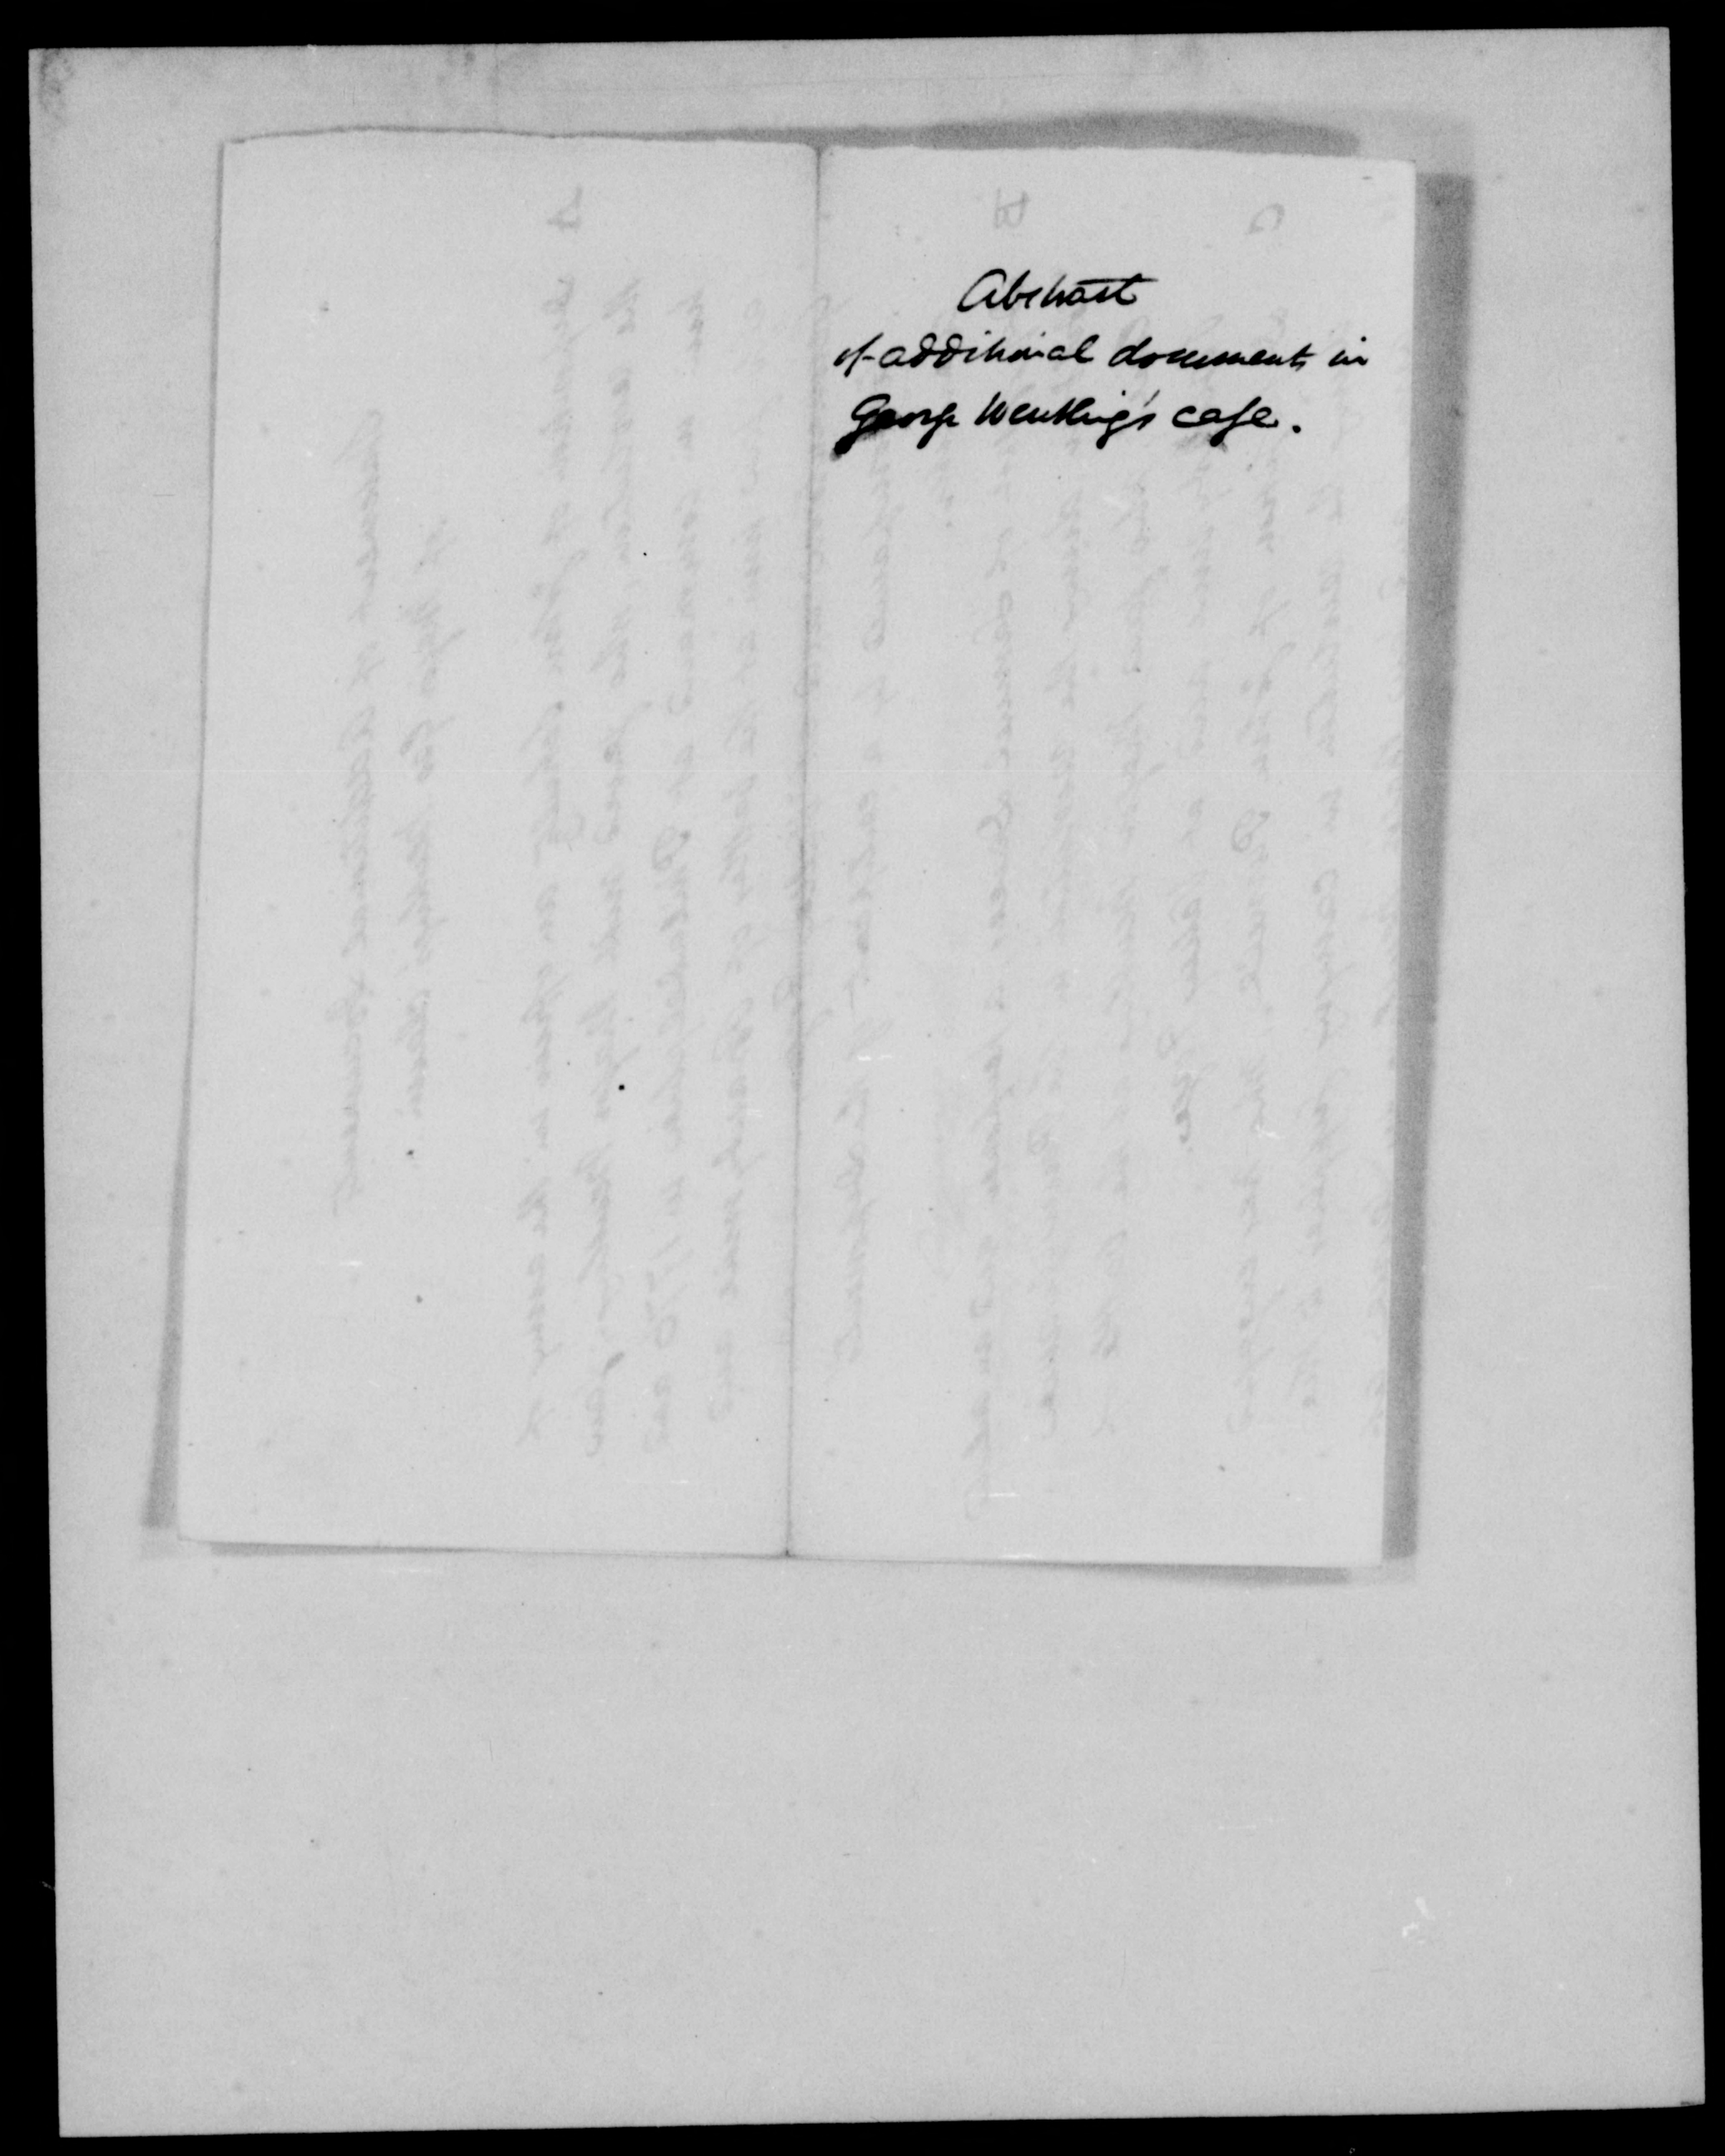Abstract
of additional document in 
George Wentley's case.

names: George Wentling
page: 34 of 68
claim: survivor's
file: S. 6,358, George Wentling, Penn.